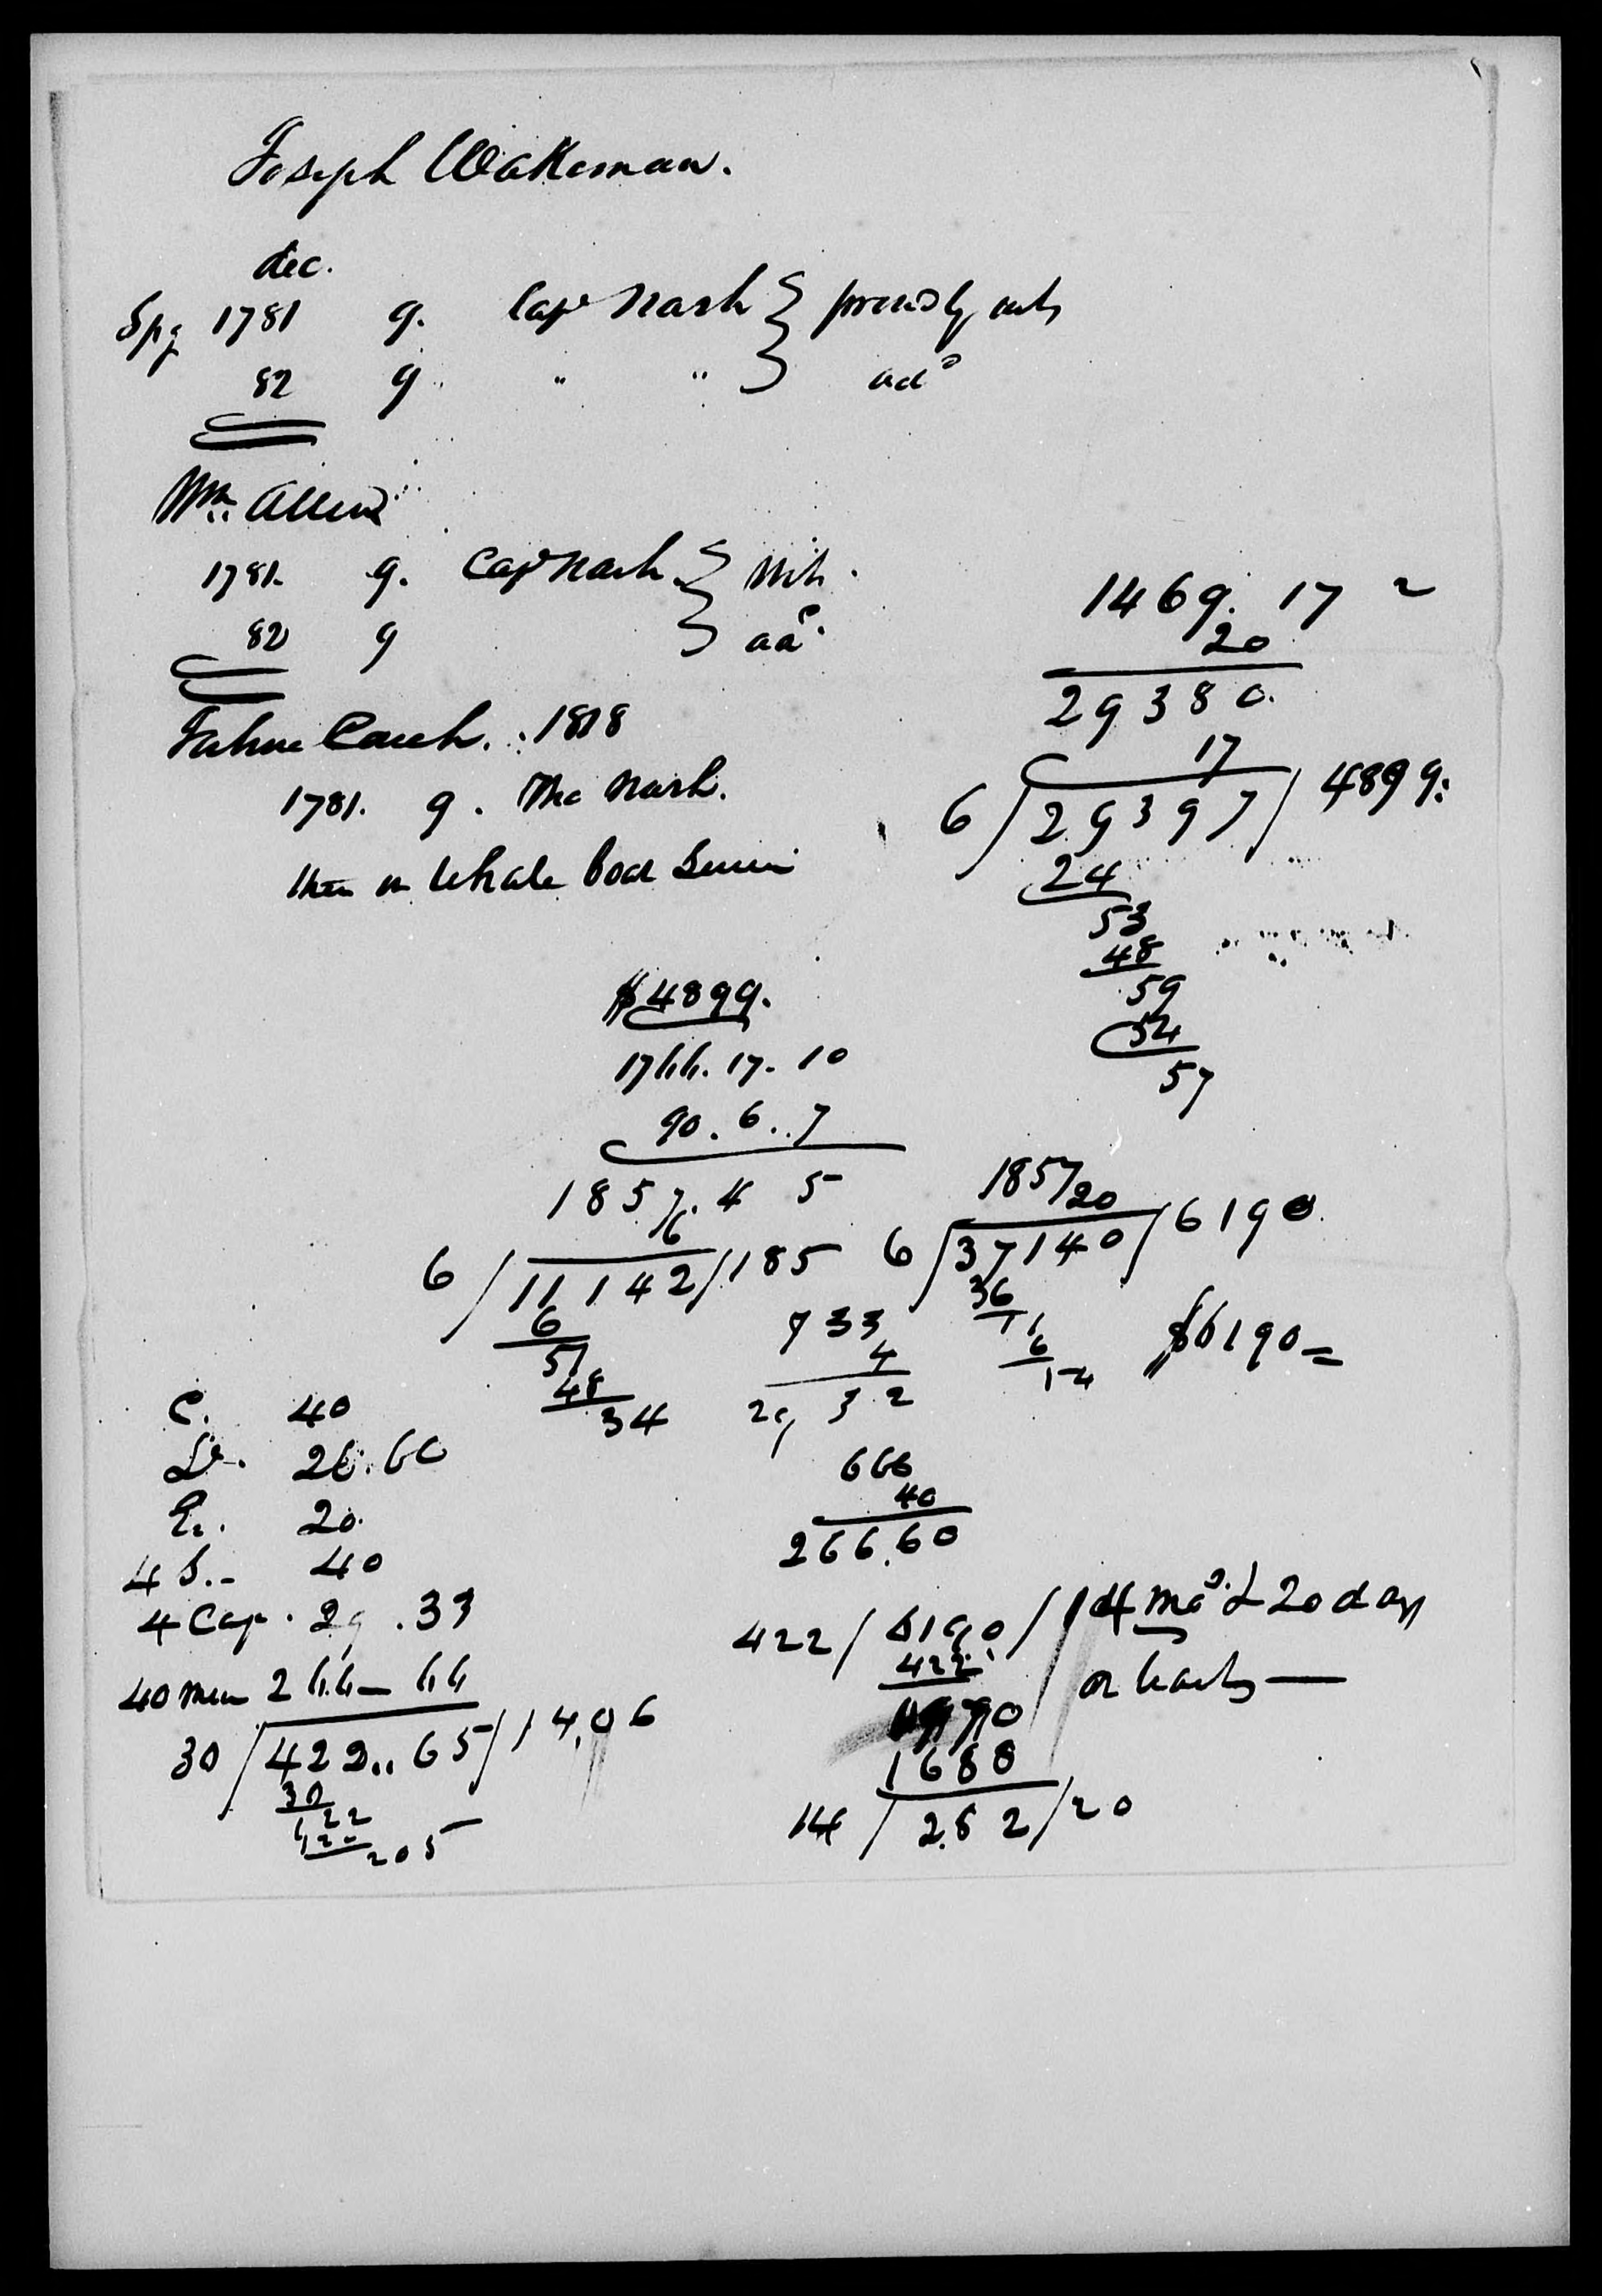Joseph Wakeman
dec.
Spg 1781 9 Capt. Nash
82 9
--
Mr Allen
1781 9 Capt. Nash
82 9
--
John Courch 1818
1781 9 Tho Nash

[illegible] in whale boat service

[various math sums follow, which are not transcribed here]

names: Nash, Tho Nash, Joseph Wakeman, Nash, Joshua Couch, Wm Allen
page: 46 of 69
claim: widow's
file: W. 25562, Abijah Elwood, Conn.